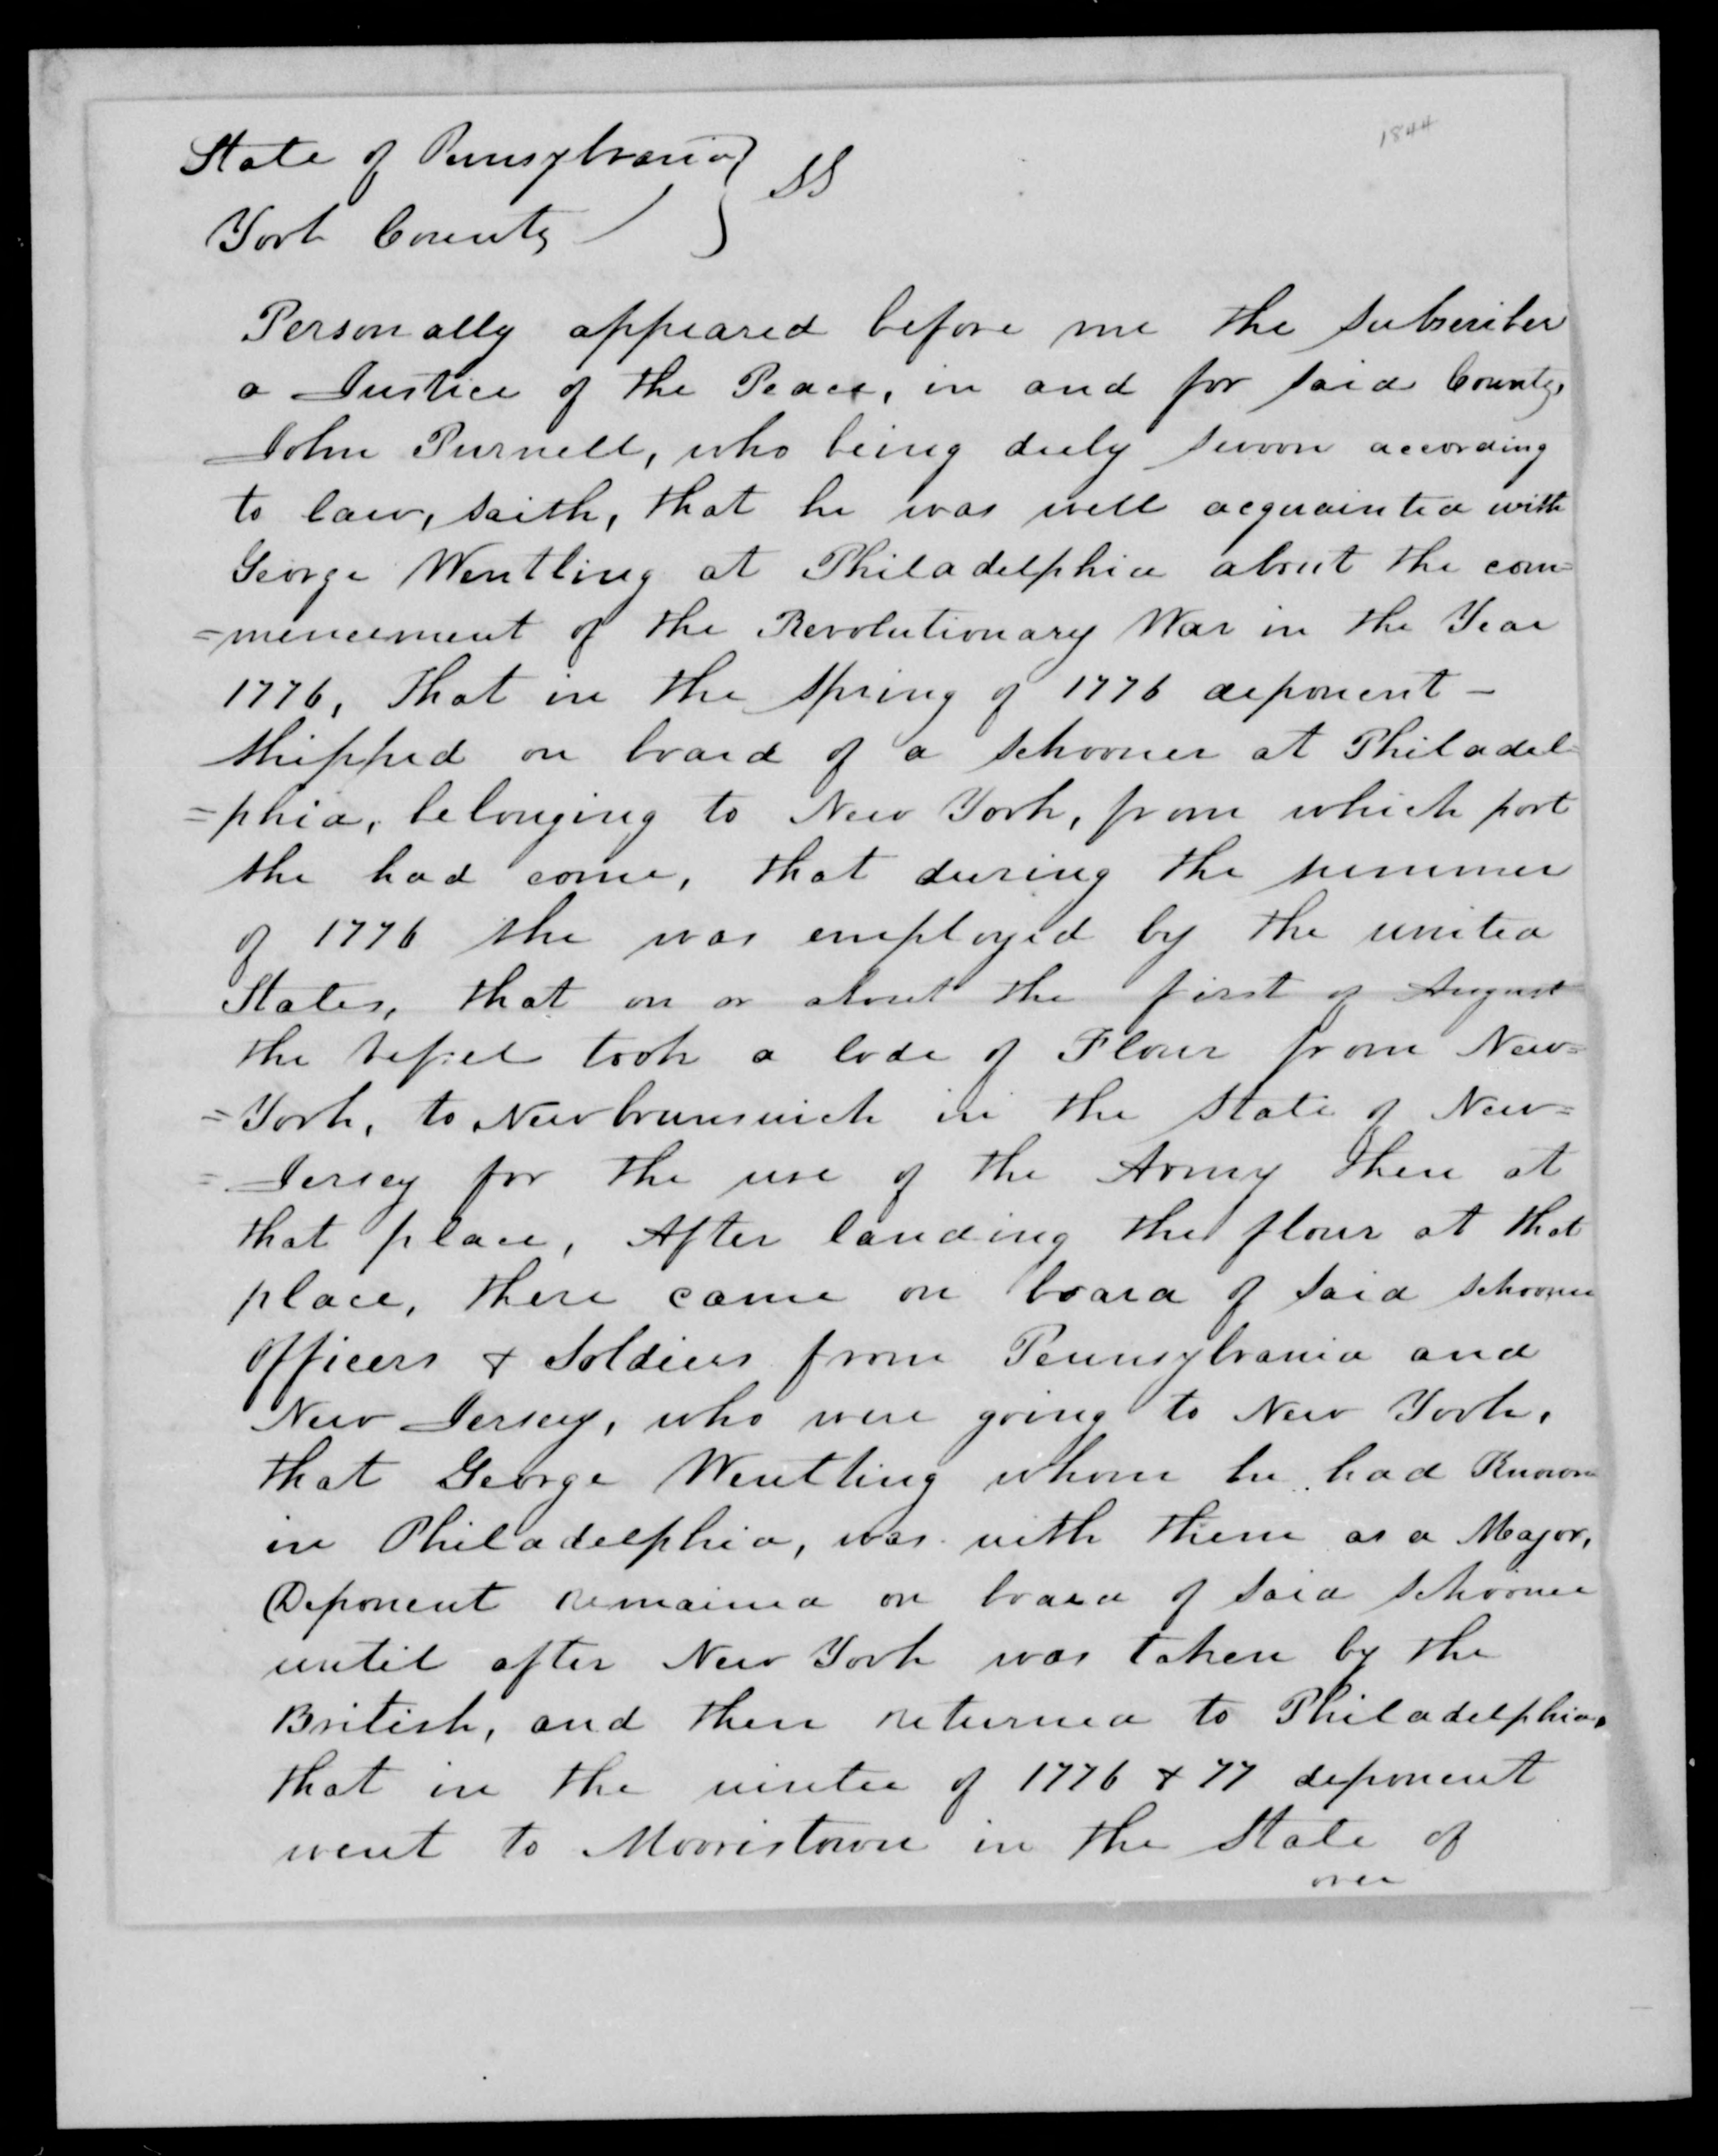State of Pennsylvania York County ss
Personally appeared before me the Subscriber
a Justice of the Peace in and for said County
John Purnell, who being duly sworn according to
law saith, that he was well acquainted with
George Wentling at Philadelphia about the 
commencement of the Revolutionary War in the year
1776. That in the Spring of 1776 deponent shipped
on board of a Schooner at Philadelphia belonging to
 New York, from which port
she had come. That during the summer
of 1776 she was employed by the United States.
 That on or about the first of August
the vessel took a lode of Flour from New York, to New Brunswick in the State of New Jersey
for the use of the Army there at
that place. After landing the flour at that
place, there came on board of said Schooner
officers & Soldiers from Pennsylvania and
New Jersey, who were going to New York.
That George Wentling whom he had known
in Philadelphia, was with them as a Major.
Deponent remained on board of said Schooner
until after New York was taken by the
British, and then returned to Philadelphia.
That in the winter of 1776 & 77 deponent
went to Morristown in the State of (over)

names: John Purnell, George Wentling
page: 45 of 68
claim: survivor's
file: S. 6,358, George Wentling, Penn.